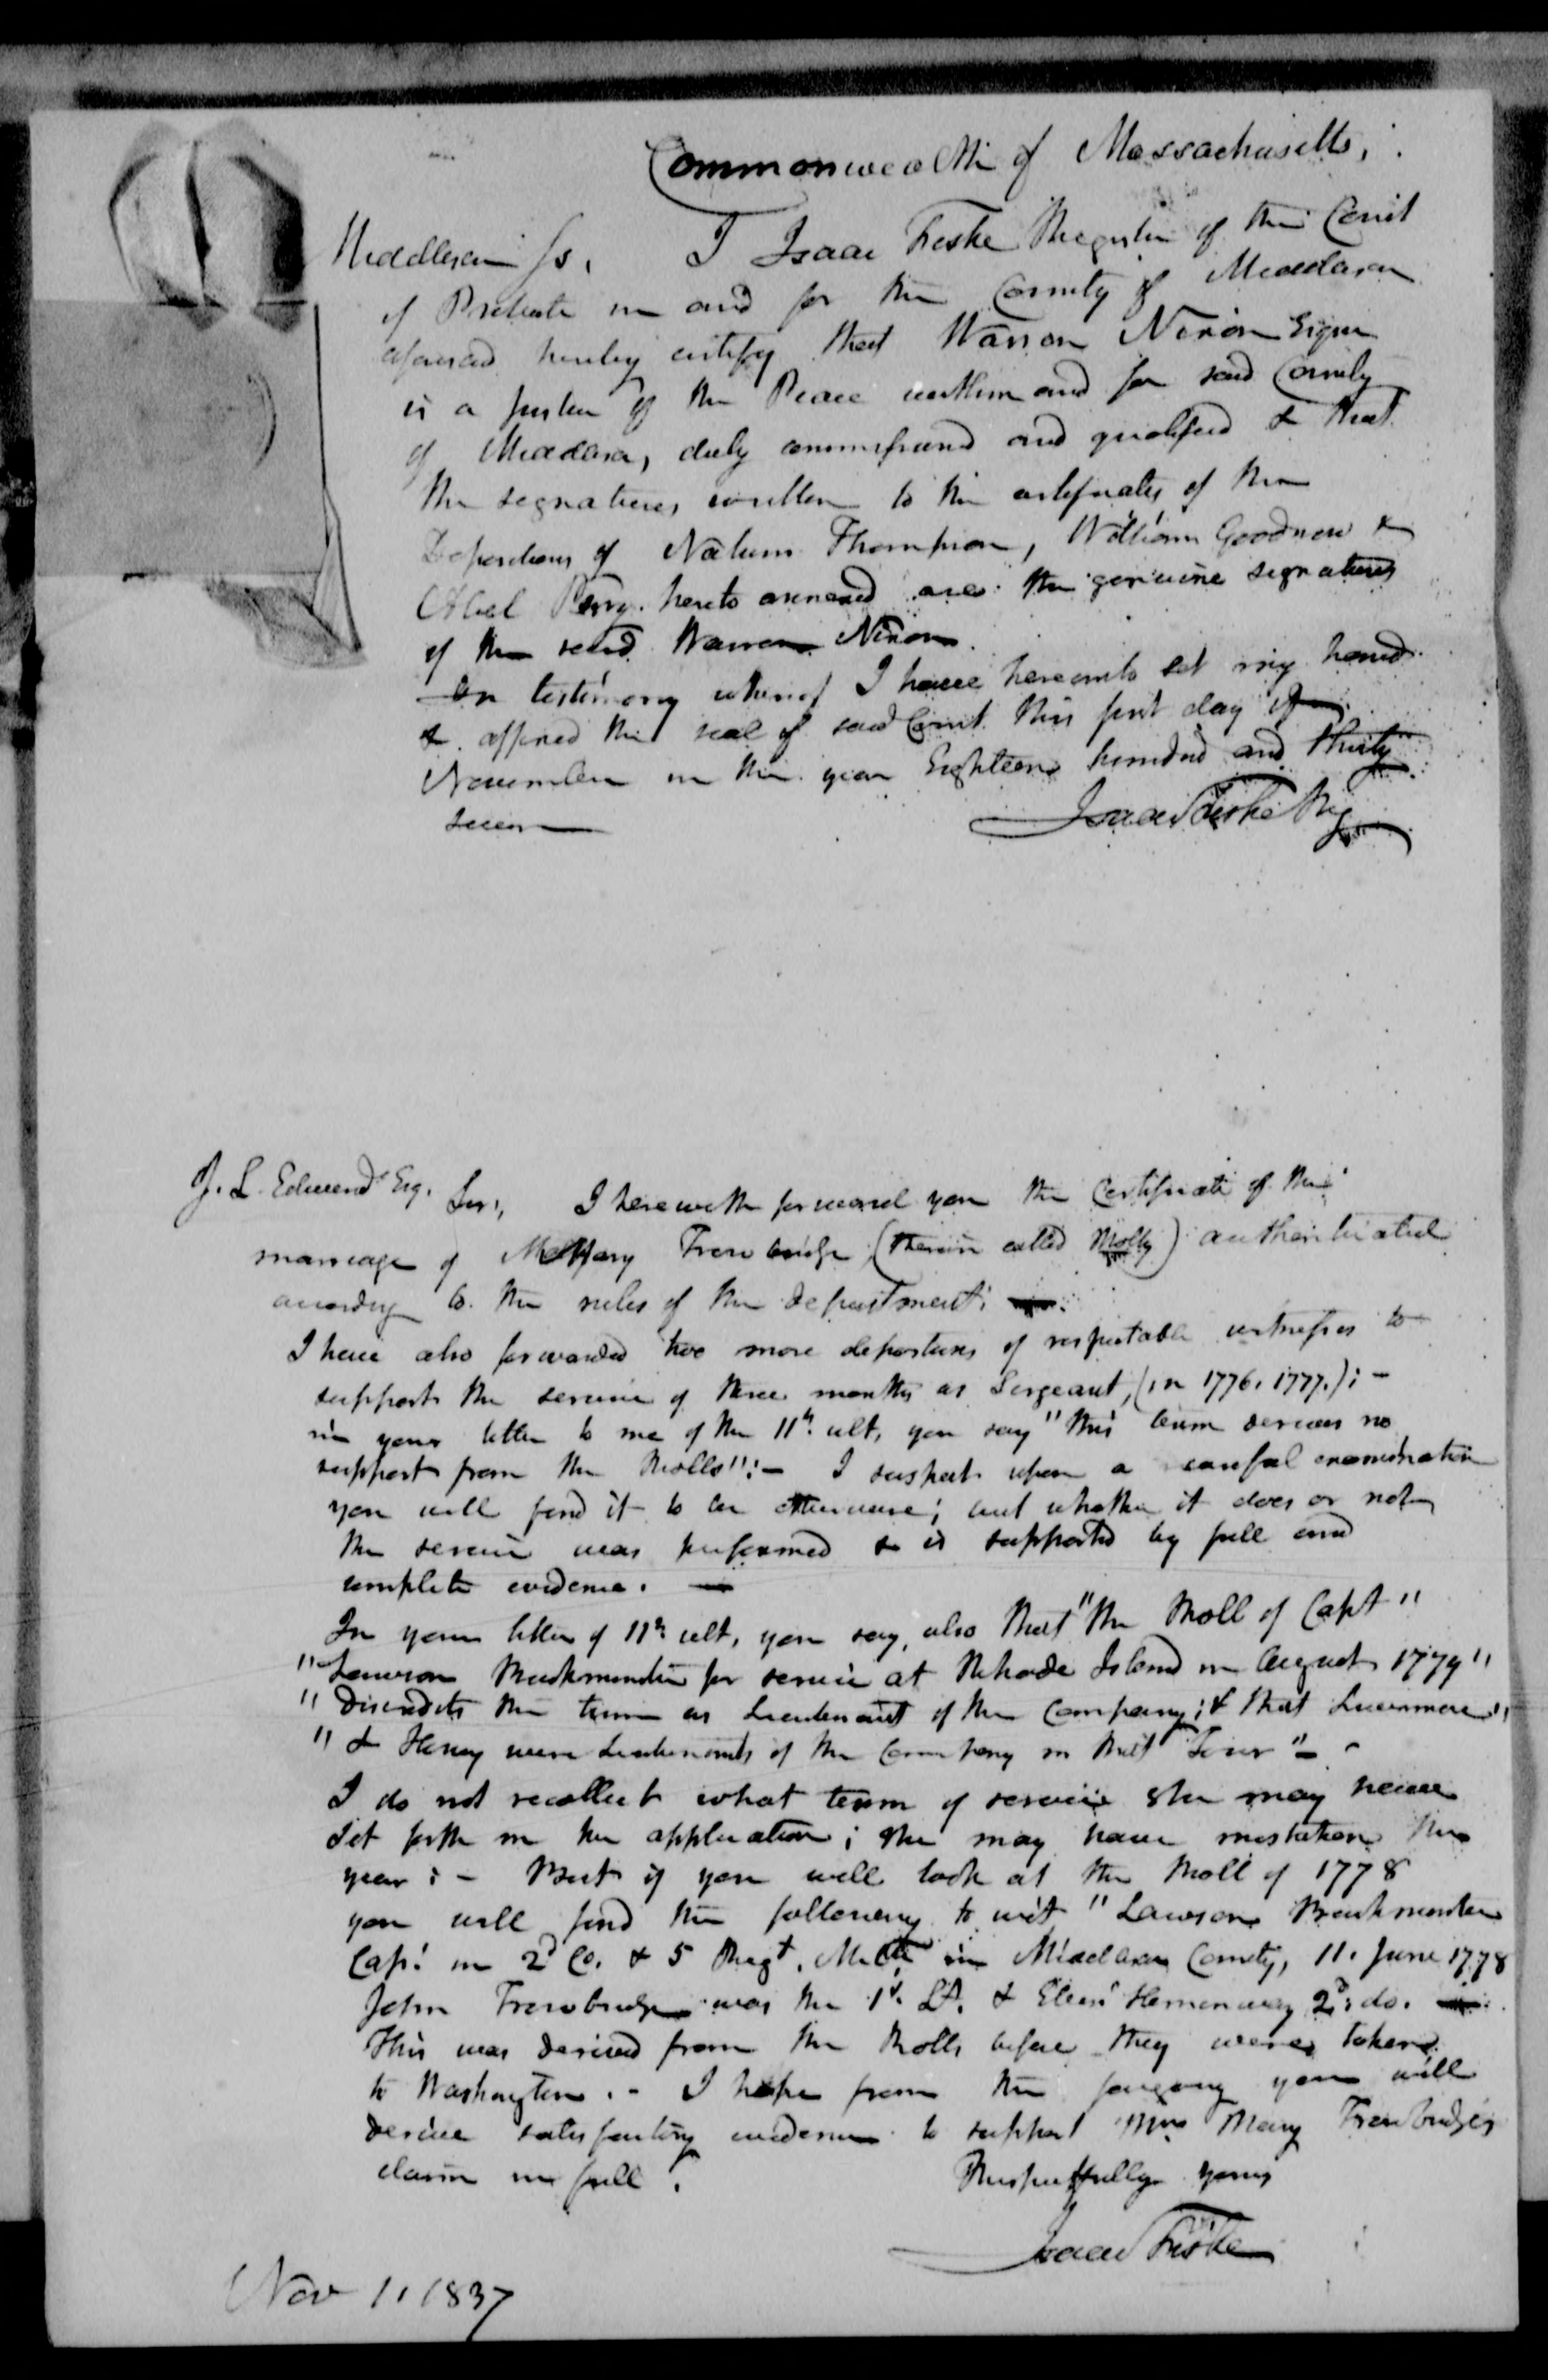Commonwealth of Massachusetts
Middlesex SS
(seal with ribbon)
I Isaac Fiske Register of the Court of Probate in and for the County of Middlesex aforesaid hereby certify that Warren Nixon Esquire is a Justice of the Peace within and for said County of Middlesex, duly commissioned and qualified & that the signatures written to the certificates of his depositions of Nahem Thompson, William Goodman & Abel Perry hereto annexed are the genuine signatures of the said Warren Nixon.
In testimony whereof I have hereunto set my and & affixed the seal of said Court this first day of November in the year Eighteen hundred and thirty seven
Isaac Fiske Reg.

J. L. Edwards Esq
Sir: I herewith forward you the Certificate of the marriage of Mary Trowbridge (therein called Molly) authenticated according to the rules of the War Department. I have also forwarded two more depositions of reputable witnesses to support the services of three months as Sergeant, (in 1776,1777); in your letter to me of the 11th Oct, you say "this (illegible) no support from the Rolls". I suspect upon a careful examination you will find otherwise; but whether it does or not the service was performed & is supported by full and complete evidence.
In your letter of 11th Oct, you say also that "the Roll of Capt. Lawson Buckminster for service at Rhode Island in August 1779 (illegible) the time as Lieutenant of the Company; & that Livermore & Henry were Lieutenants of the company in that Tour". I do not recollect what term of service she may have set forth in her application; she may have mistaken the year; But if you will look at the Roll of 1778 you will find the following to wit: "Lawson Buckminster Capt. in 2d Co. & 5 Regt. (illegible) in  Middlesex County, 11 June 1778, john Trowbridge was the 1st Lt. & Eben. Hemanway 2d do. this was derived from the Rolls before they were taken to Washington. I hope from the foregoing you will (illegible) evidence to support Mrs. Mary Trowbridges claim in full.
Respectfully yours
Isaac Fiske

Nov 1. 1837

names: John Trowbridge, Ebenr Hememway, Mary Trowbridge, Warren Nixon, Mary Trowbridge, William Goodnow, Lawson Buckminster, Isaac Fiske, Isaac Fiske, Lawson Buckminster, Henry, Warren Nixon, Abel Perry, Isaac Fiske, J L Edwards, Nahum Thompson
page: 30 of 34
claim: widow's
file: W. 15439, John Trowbridge, Mass.